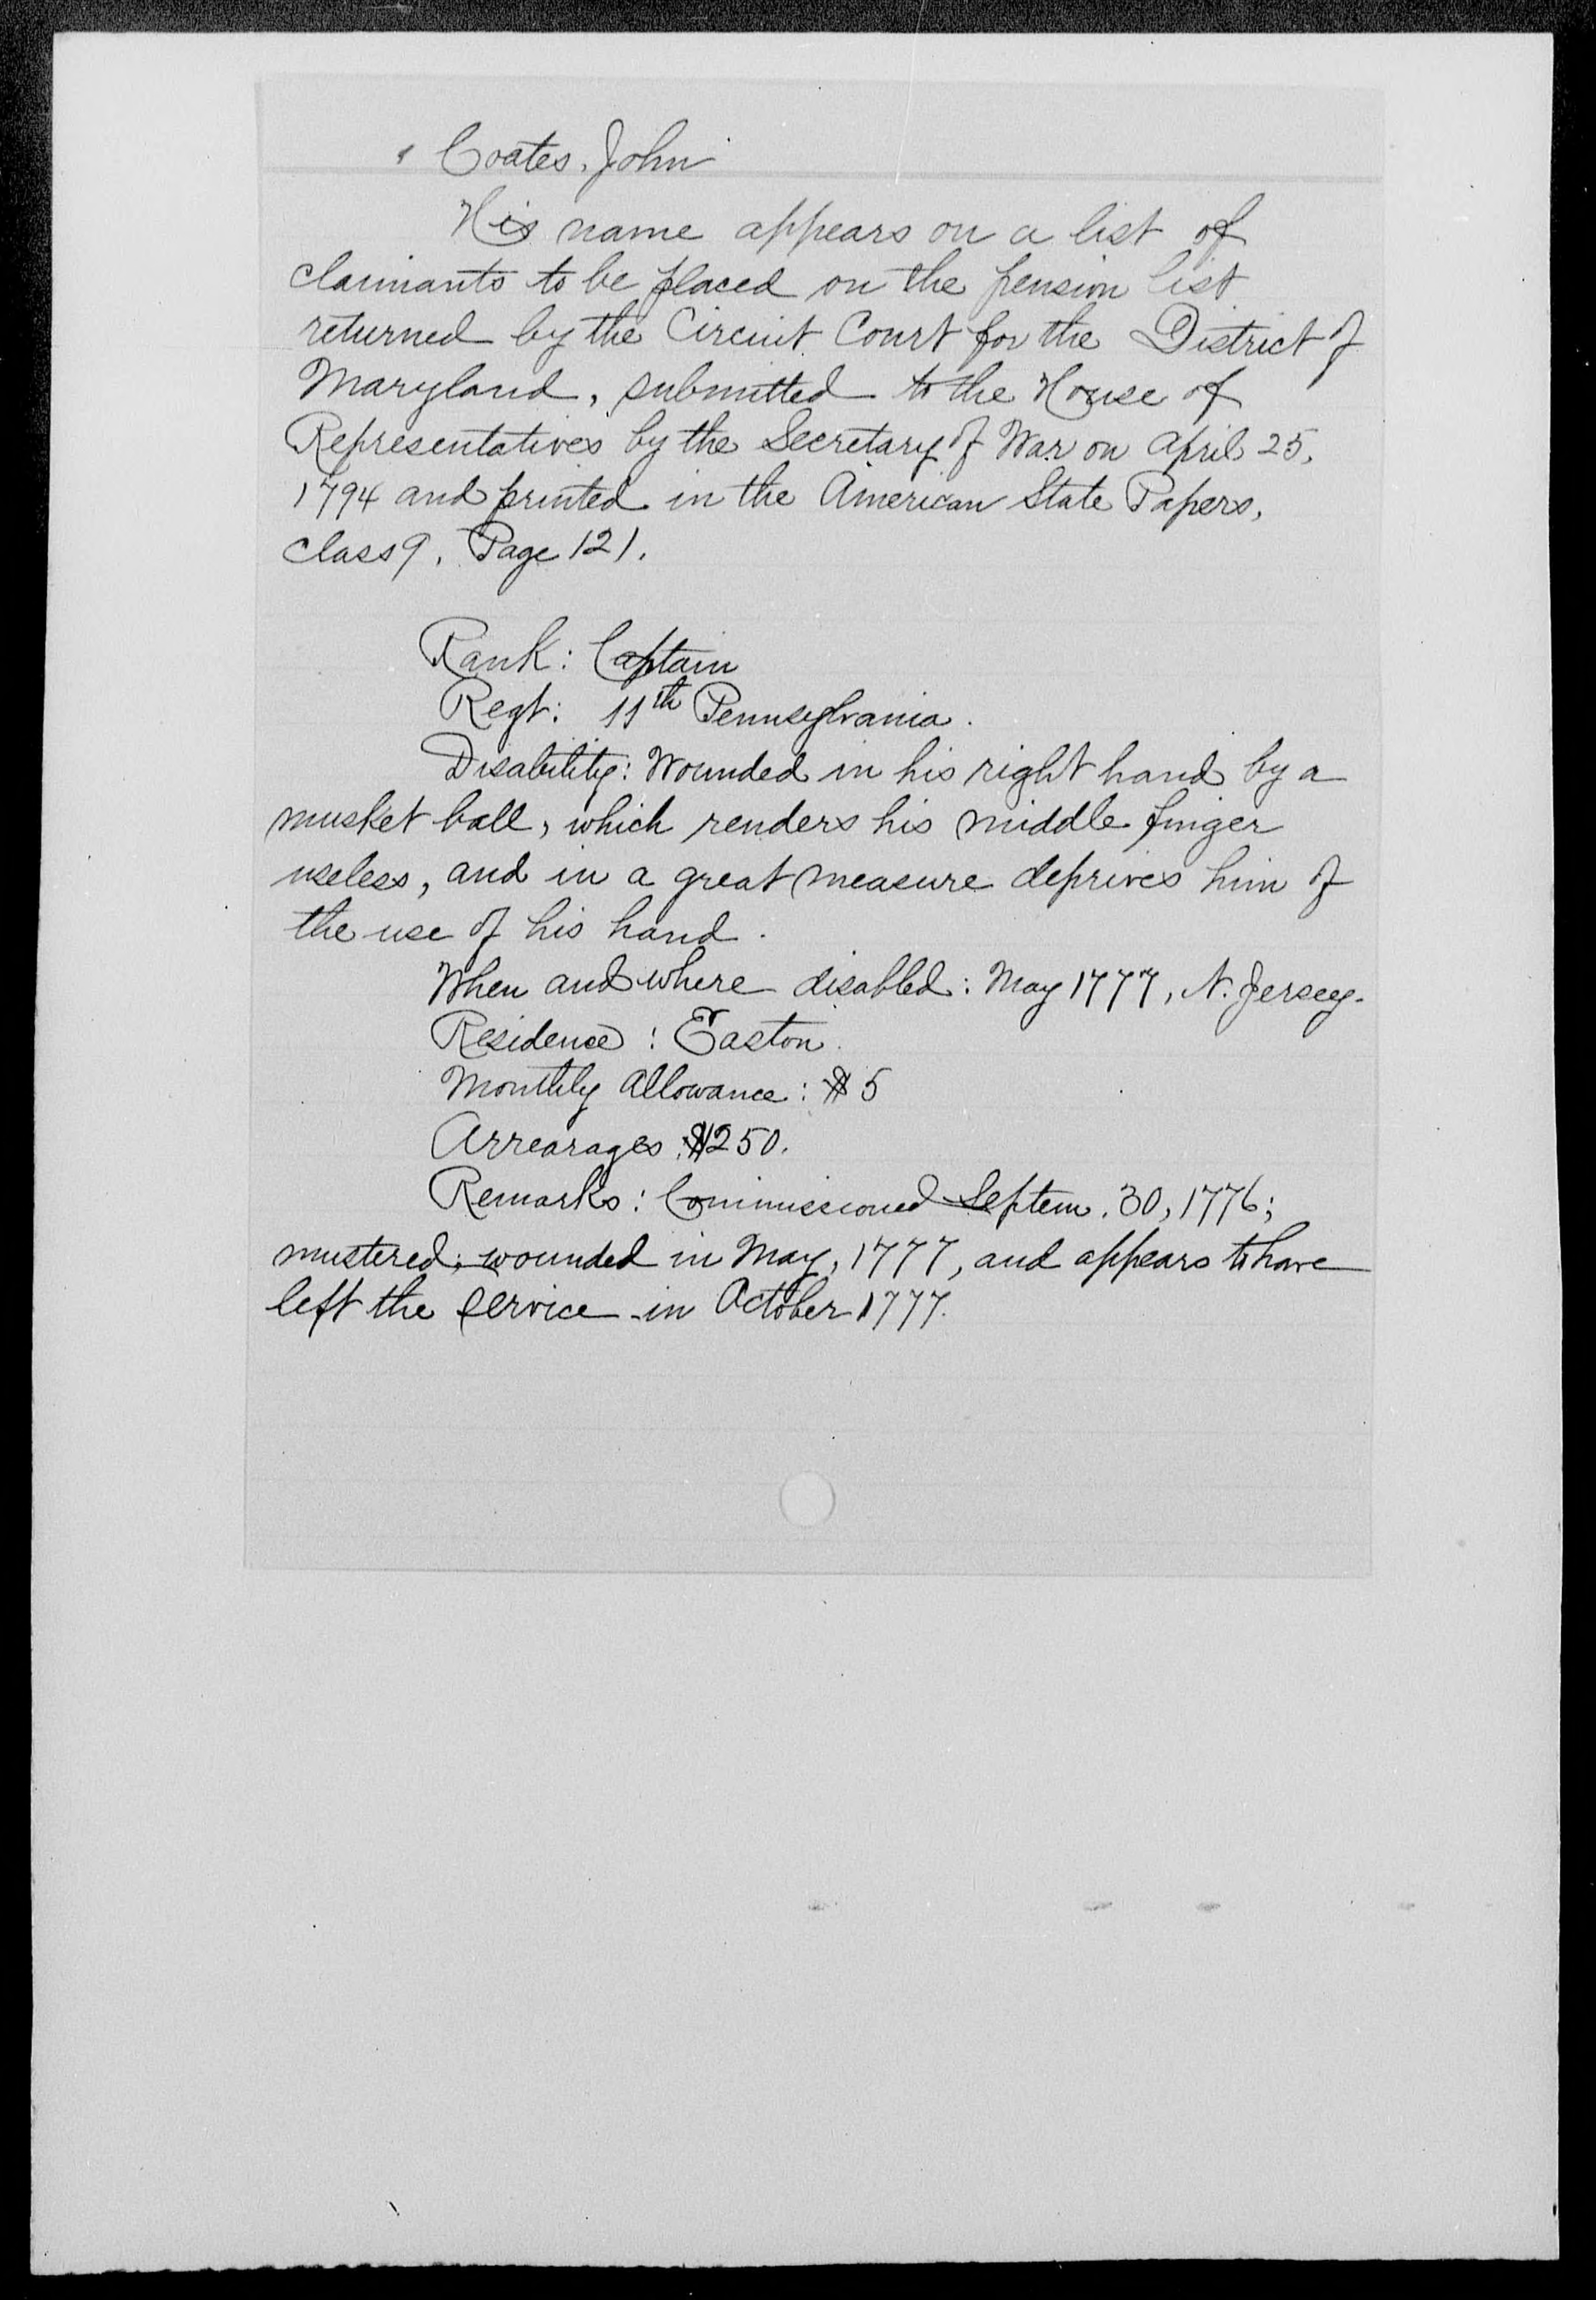Coates, John
His name appears on a list of
claimants to be placed on the pension list
returned by the Circuit Court for the District of
Maryland, submitted to the House of
Representatives by the Secretary of War on April 25,
1794 and printed in the American State Papers,
Class 9, Page 121.
Rank: Captain
Regt: 11th Pennsylvania
Disability: Wounded in his right hand by a
musket ball, which renders his middle finger
useless, and in a great measure deprives him of
the use of his hand.
When and where disabled: May 1777, N. Jersey.
Residence: Eastern
Monthly Allowance: $5
Arrearages: $250.
Remarks: Commissioned Septem. 30, 1776;
mustered, wounded in May, 1777, and appears to have
left the service in October 1777.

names: John Coates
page: 2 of 5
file: [BLANK], John Coates, Penn.